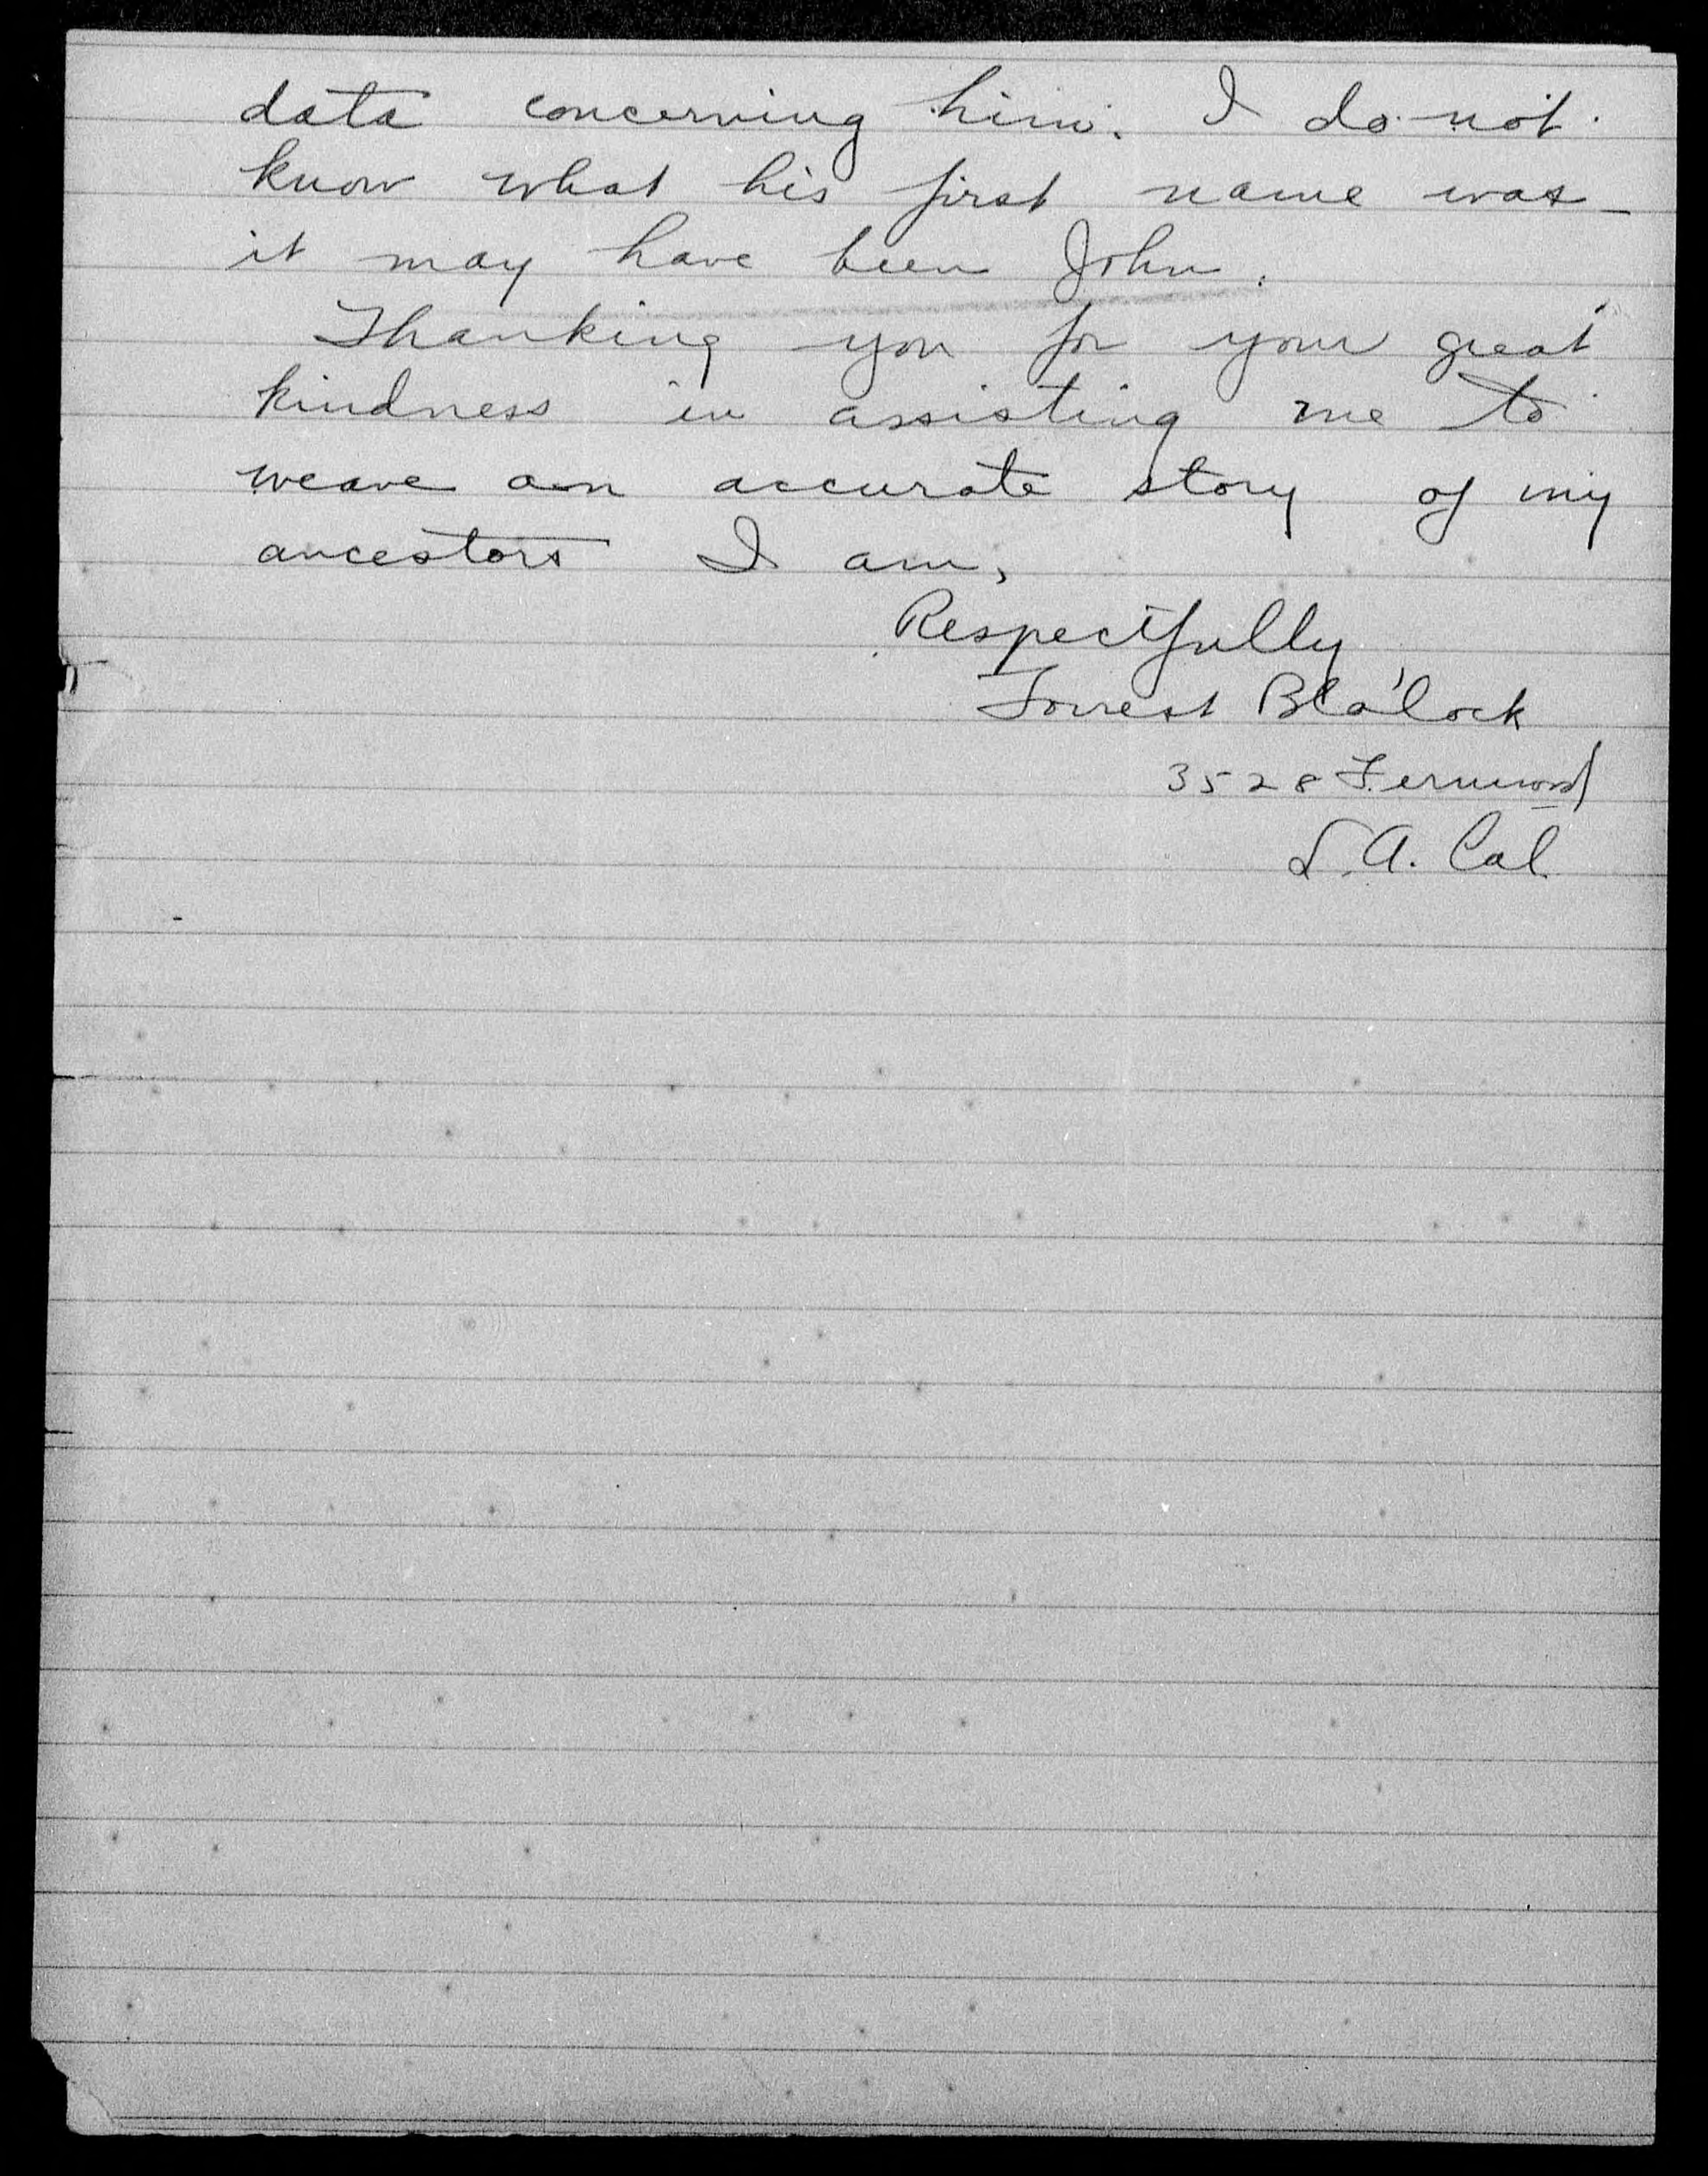data concerning him. I do not know what his first name was -- it may have been John.
Thanking you for your great kindness in assisting me to weave an accurate story of my ancestor. I am 
Respectfully
Forrest Blalock
3528 Fernwood
L. A. Cal.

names: John, Forrest Blalock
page: 20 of 26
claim: survivor's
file: S. 16059, John Brenton, Penn. Va.